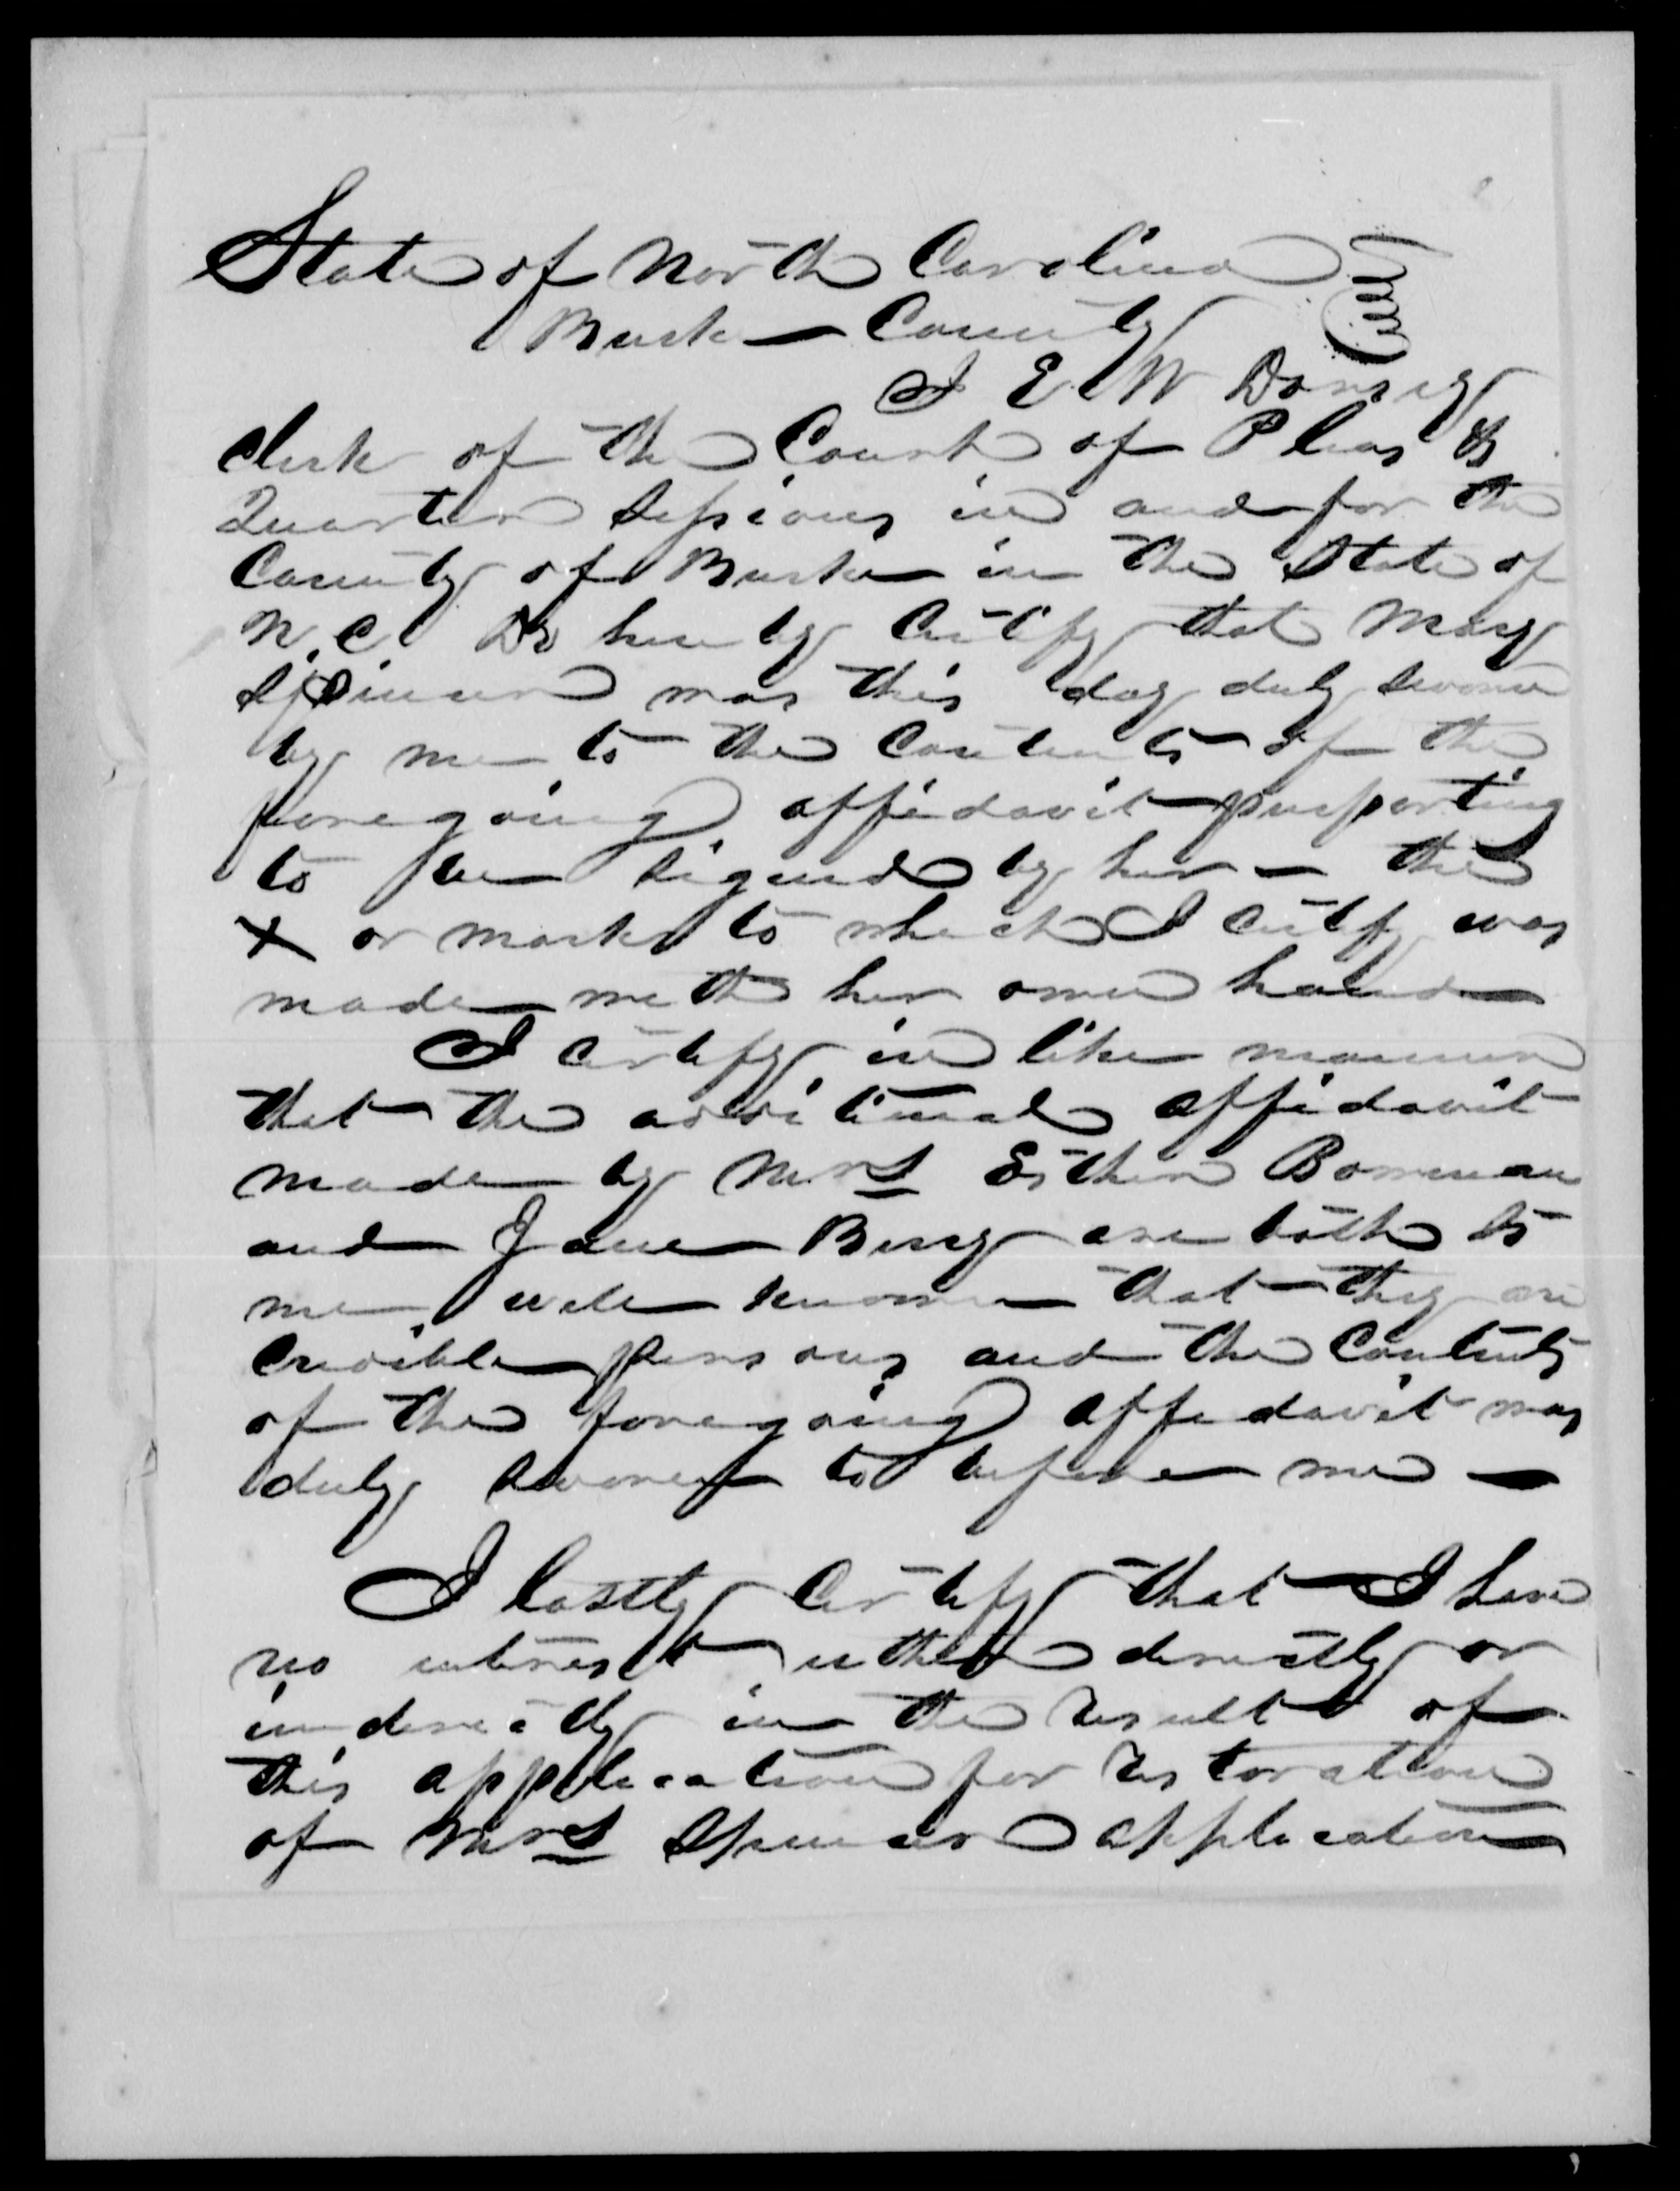State of North Carolina
Burke County
I E W Dorsey
Clerk of the Court of Pleas &
Quarter Sessions in and for the
County of Burke in the State of
N.C. Do hereby certify that Mary Spencer was this
day duly sworn
by me to the contents of the
foregoing affidavit purporting
to the signed by her the
X or mark to which I certify was
made with her own hand
I certify in like manner
that the additional affidavit
made by Mrs. Esther Bowman
and Jane Berry are both [illegible]  well known that they are
credible persons and the content
of the foregoing affidavit was
duly sworn to before me
I lastly certify that I have
no interest either directly or
indirectly in the result of
this application for restoration of Mrs. Spencer's application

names: Esther Bowman; Jane Berry; E W Dorsey; [BLANK] Spencer; Mary Spencer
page: 55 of 63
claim: widow's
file: W. 6158, for Benjamin Spencer, North Carolina